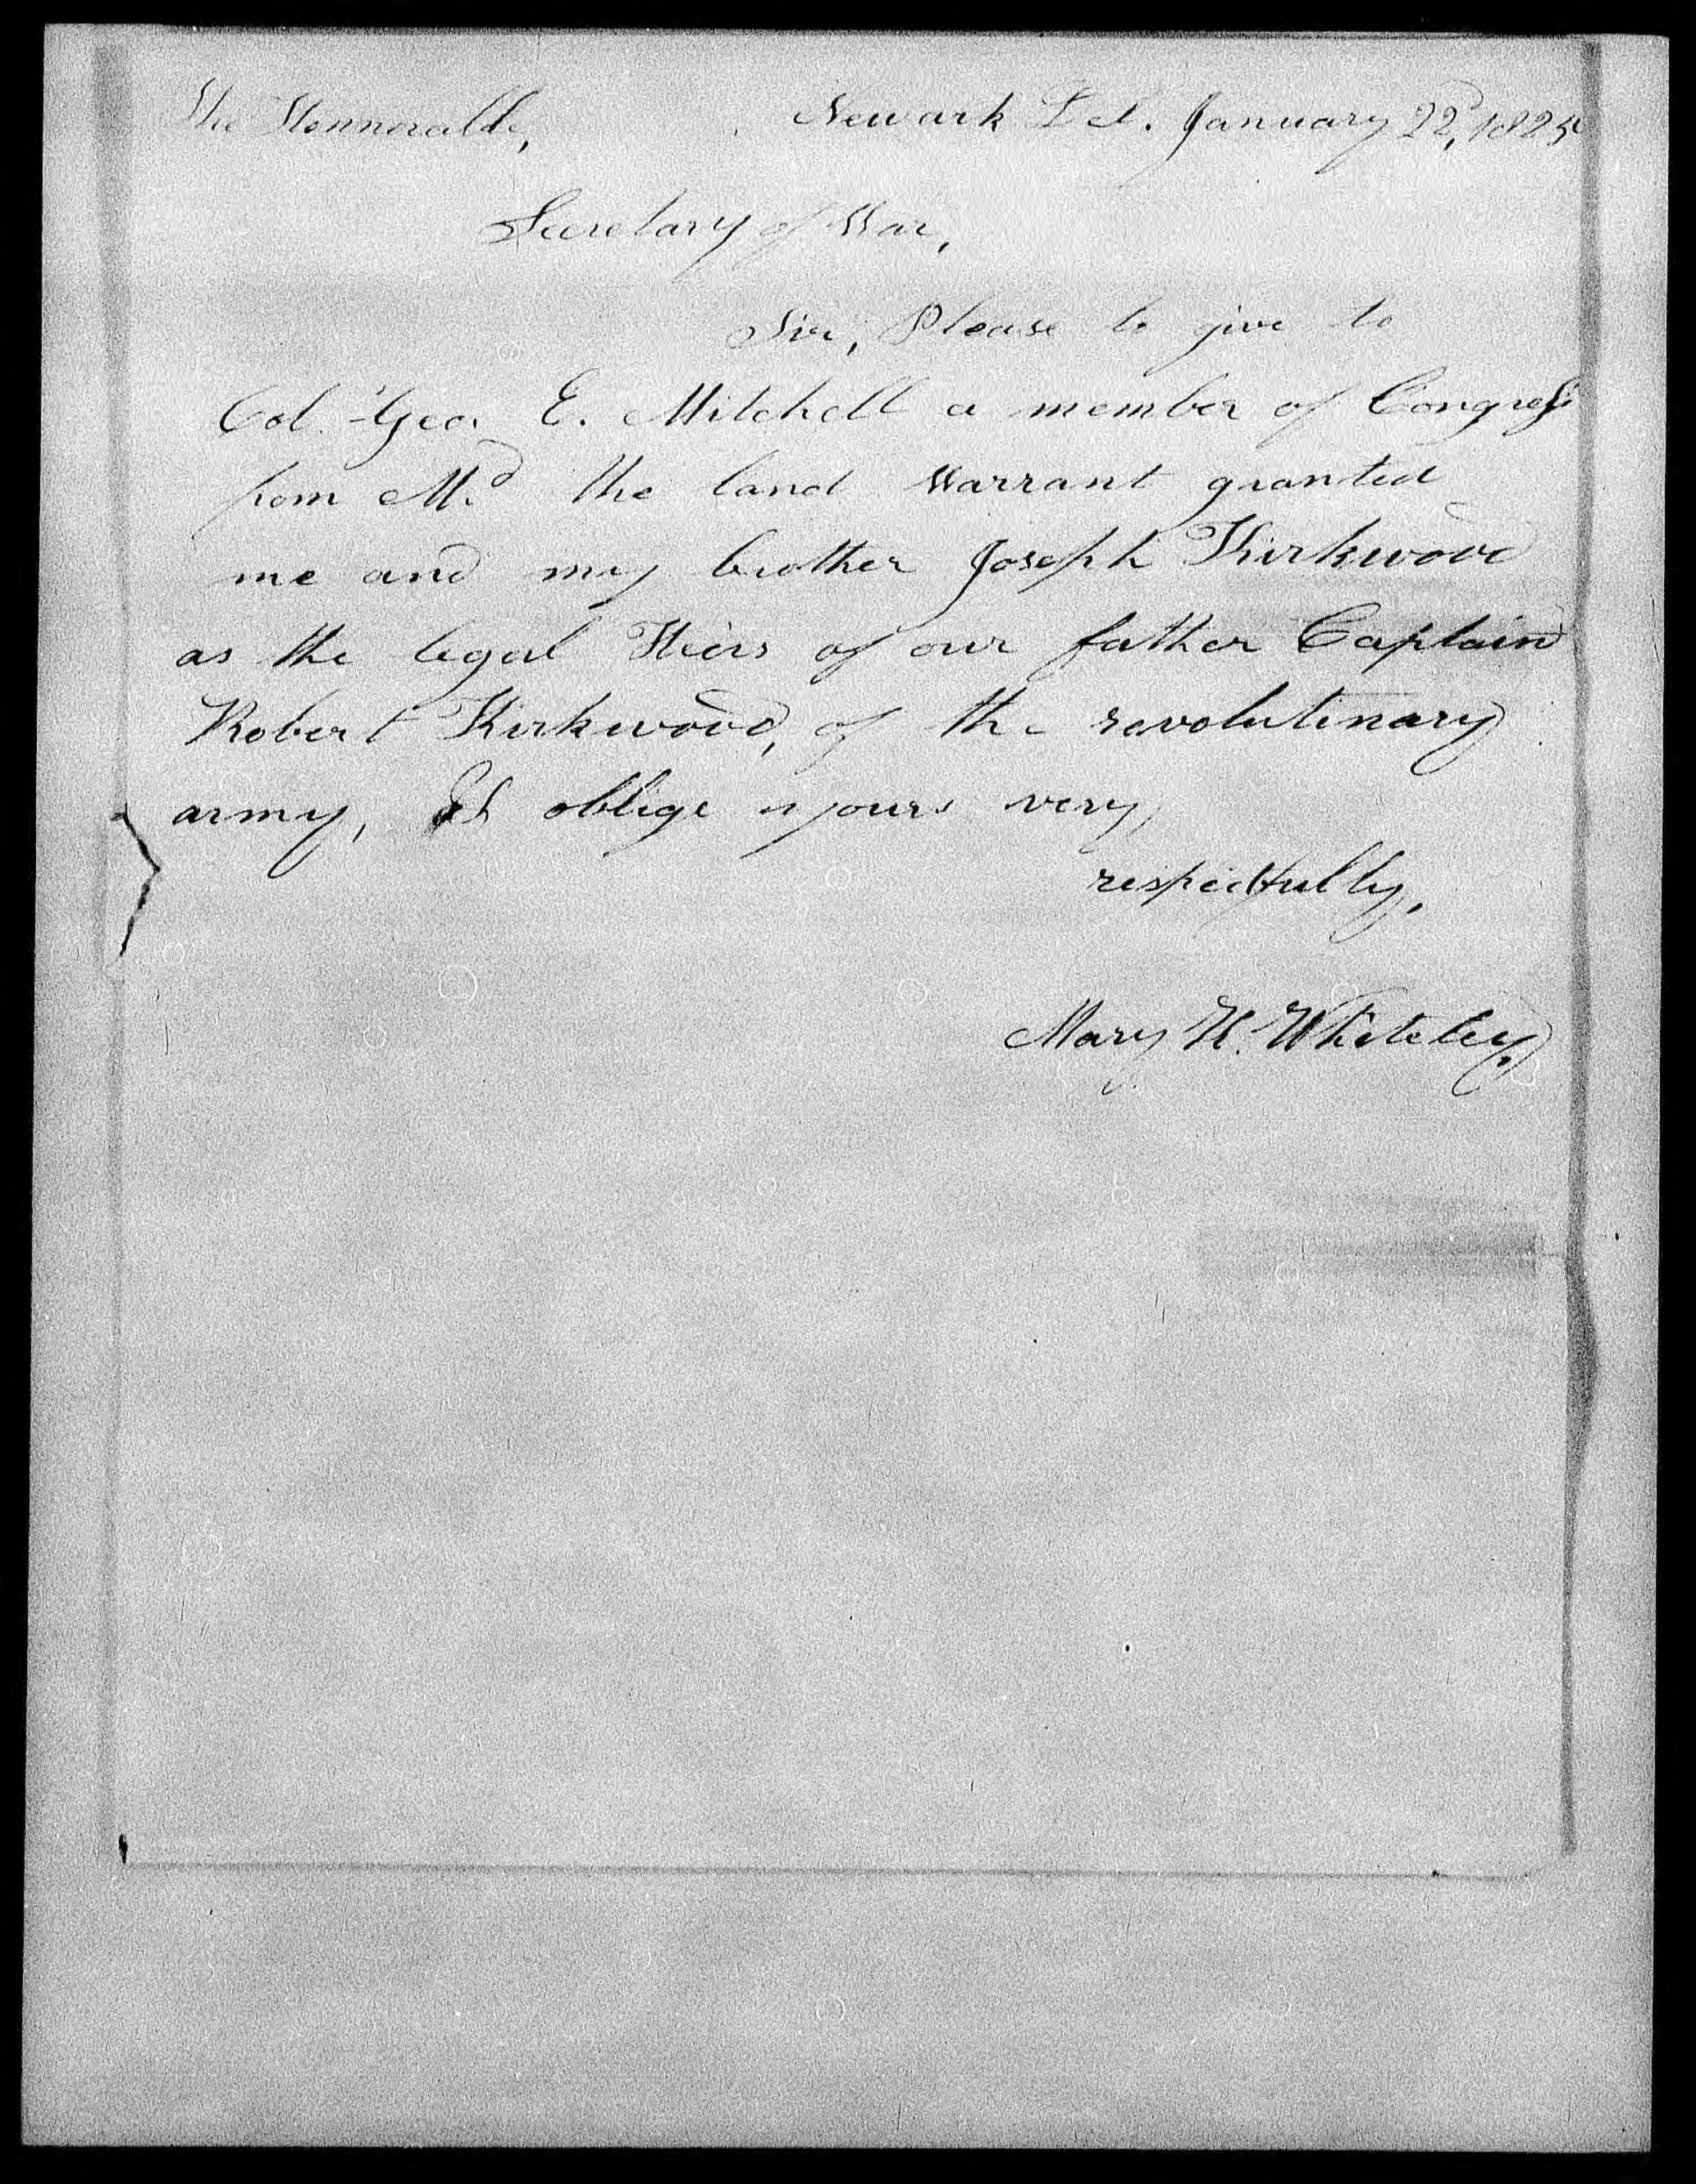Newark Del. January 22, 1825
The Honorable
Secretary of War,
Sir, please to give to
Col. Geo. E. Mitchell a member of Congress
from Md., the land Warrant granted
me and my brother Joseph Kirkwood
as the legal heirs of our father Captain
Robert Kirkwood of the Revolutionary
army, [illegible] oblige yours very
respectfully
Mary K. Whiteley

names: Geo E Mitchell; Mary K Whiteley; Robert Kirkwood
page: 14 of 20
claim: bounty land warrant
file: B. L. Wt. 1102-300, for Robert Kirkwood, Delaware